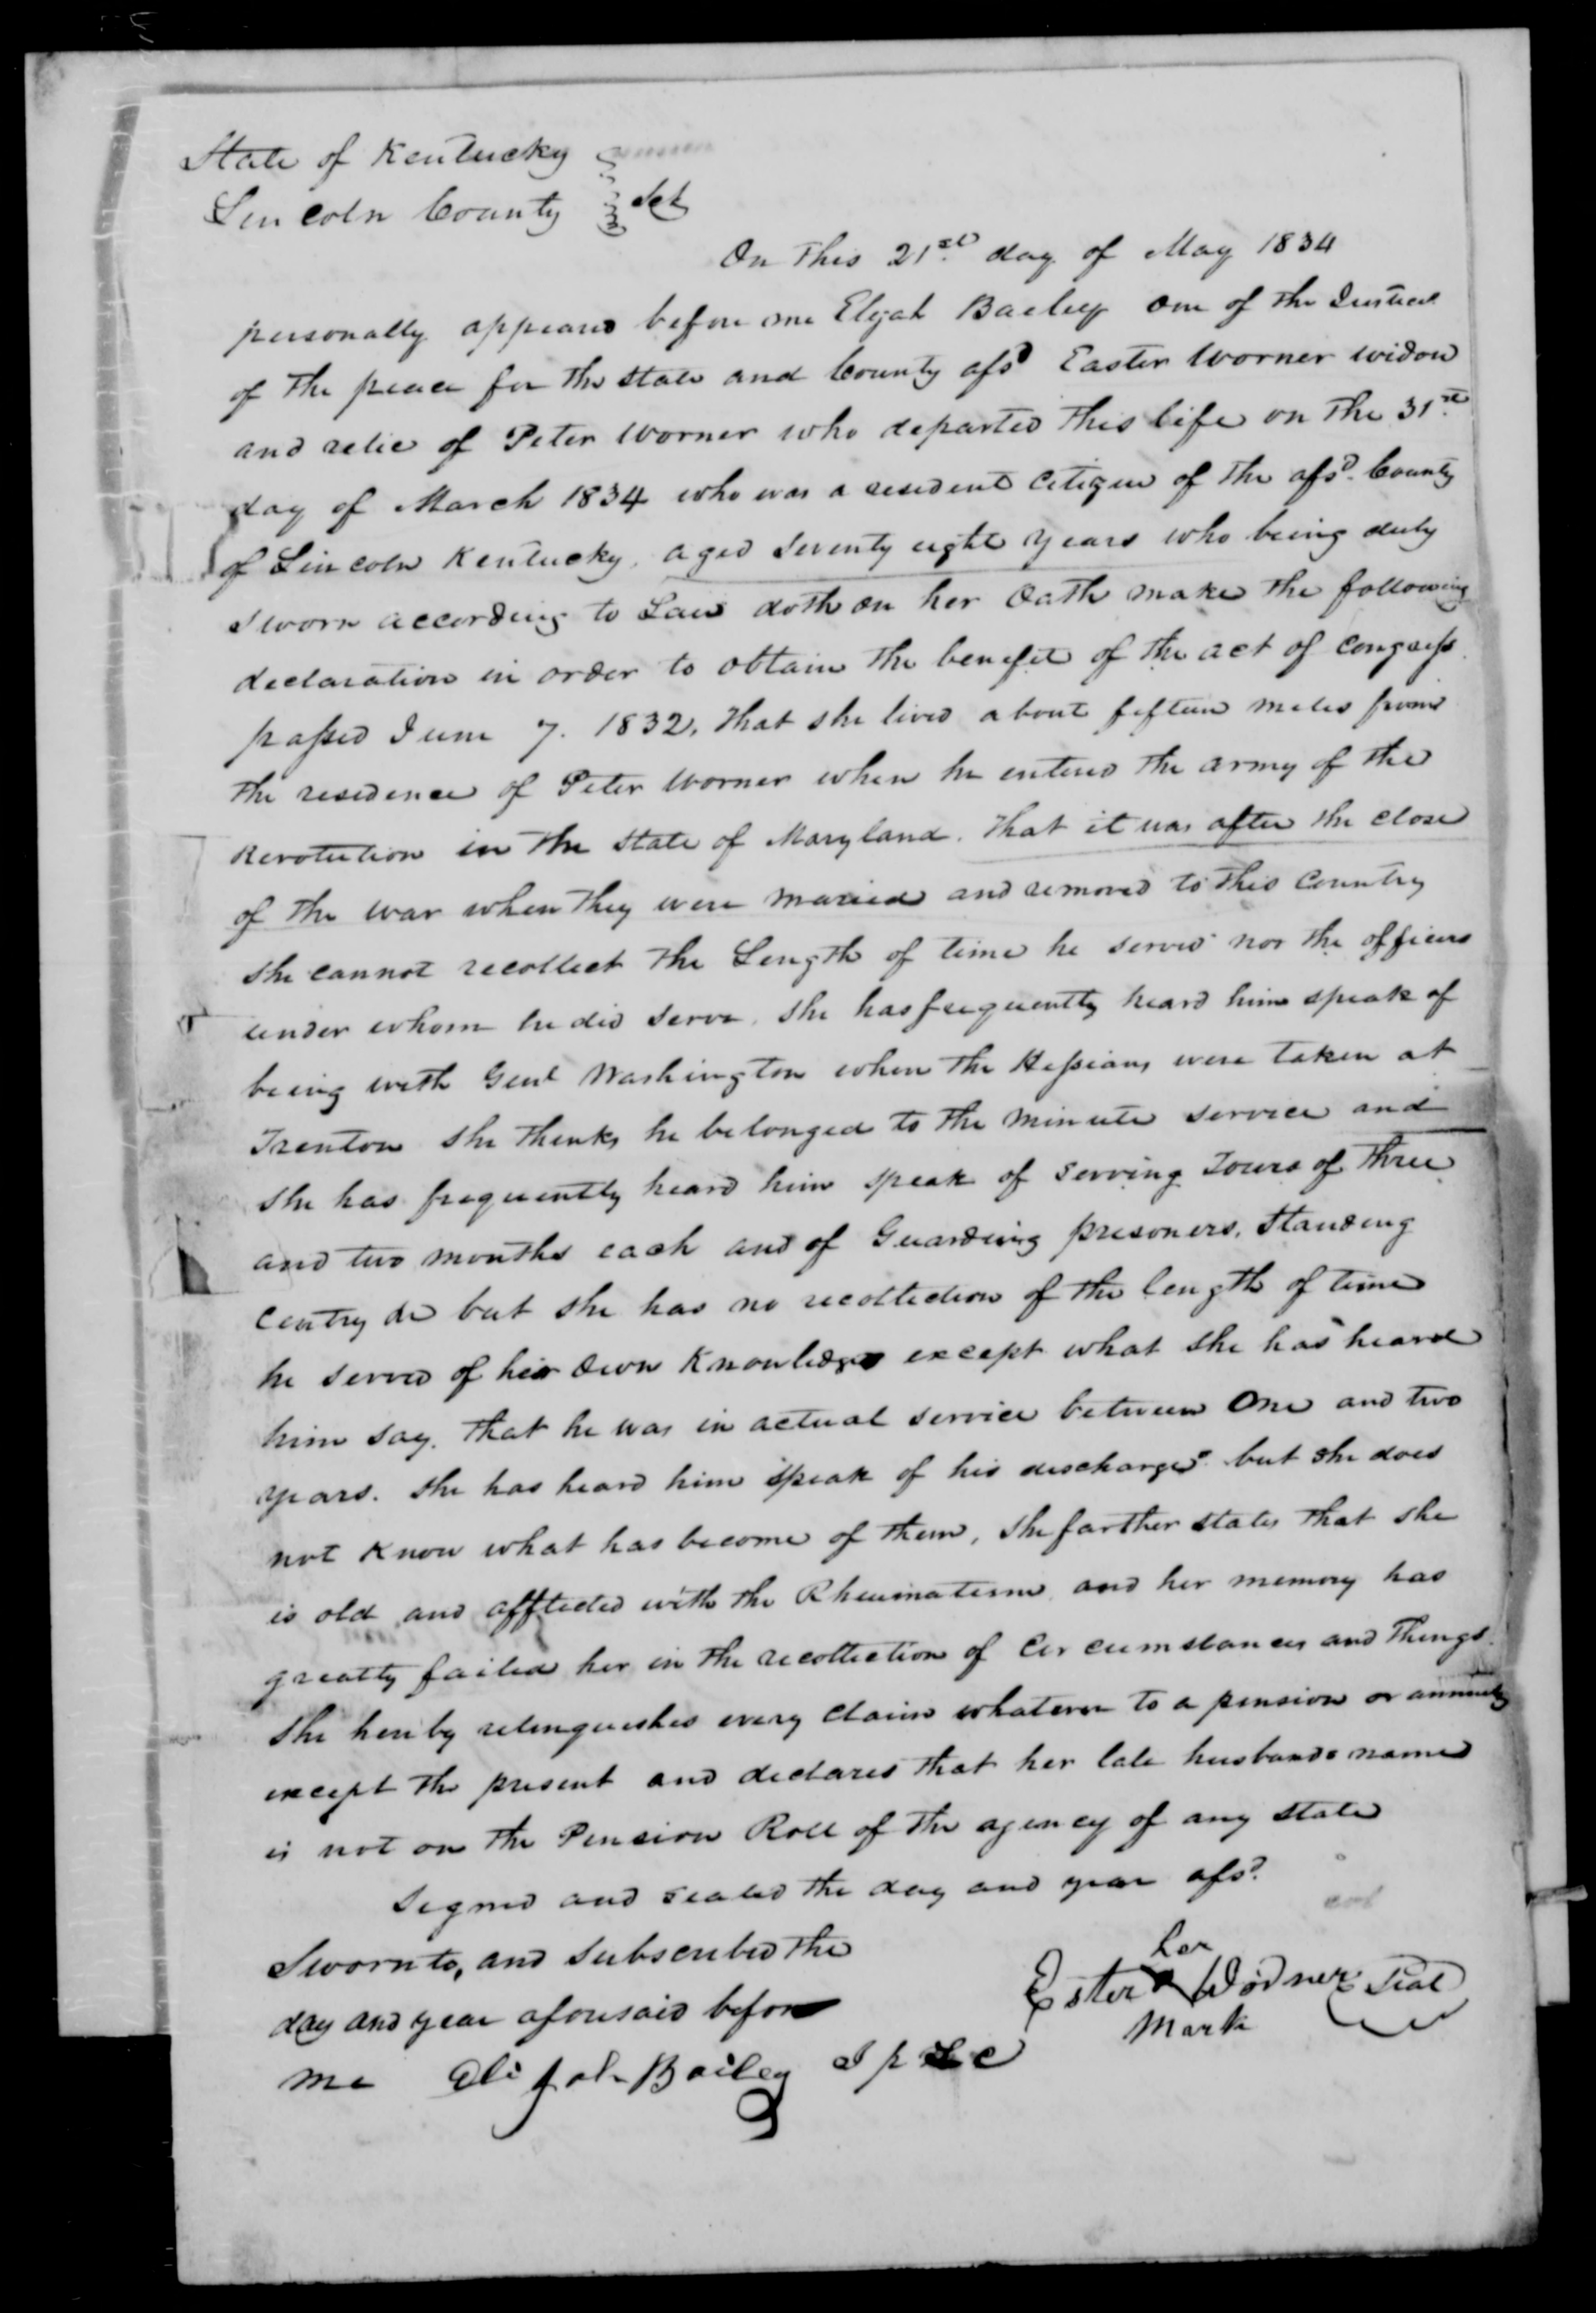State of Kentucky }
Lincoln County } Ss
On this 21st day of May 1834
personally appeared before me Elijah Bailey one of the Justices
of the peace for the state and County afsd Easter Worner widow
and relic of Peter Worner who departed this life on the 31st
day of March 1834 who was a resident citizen of the afsd County
of Lincoln Kentucky aged Seventy eight years who being duly
sworn according to Law doth on her oath make the following
declaration in order to obtain the benefit of the act of congress
passed June 7, 1832, that she lived about fifteen miles from
the residence of Peter Worner when he entered the army of the
Revolution in the State of Maryland. That it was after the close
of the war when they were maried [married] and removed to this country
She cannot recollect the Length of time he served nor the officers
under whom he did serve. She has frequently heard him speak of
being with Gel Washington when the Hessians were taken at
Trenton She thinks he belonged to the minute service and
She has frequently heard him speak of serving Tours of three
and two months each and of Guarding prisoners. Standing
centry do but she has no recollection of the length of time
he served of her own knowledge except what she has heard
him say that he was in actual service between one and two
years. She has heard him speak of his discharges but she does
not know what has become of them, She farther states that she
is old and afflicted with the Rheumatism and her memory has
greatly failed her in the recollection of circumstances and things.
She hereby relinquishes every claim whatever to a pension or annuity
except the present and declares that her late husbands name
is not on the Pension Roll of the agency of any State
Signed and sealed the day and year afsd
Ester X ^her mark^ Worner [hand drawn cloud with the word Seal inscribed inside]
Sworn to and Subscribed the
day and year aforesaid before
me Elijah Bailey J Peace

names: Easter Worner, Washington, Elijah Bailey, Peter Worner, Esther Worner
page: 6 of 14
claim: rejected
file: R 11149, Peter Worner, Md.